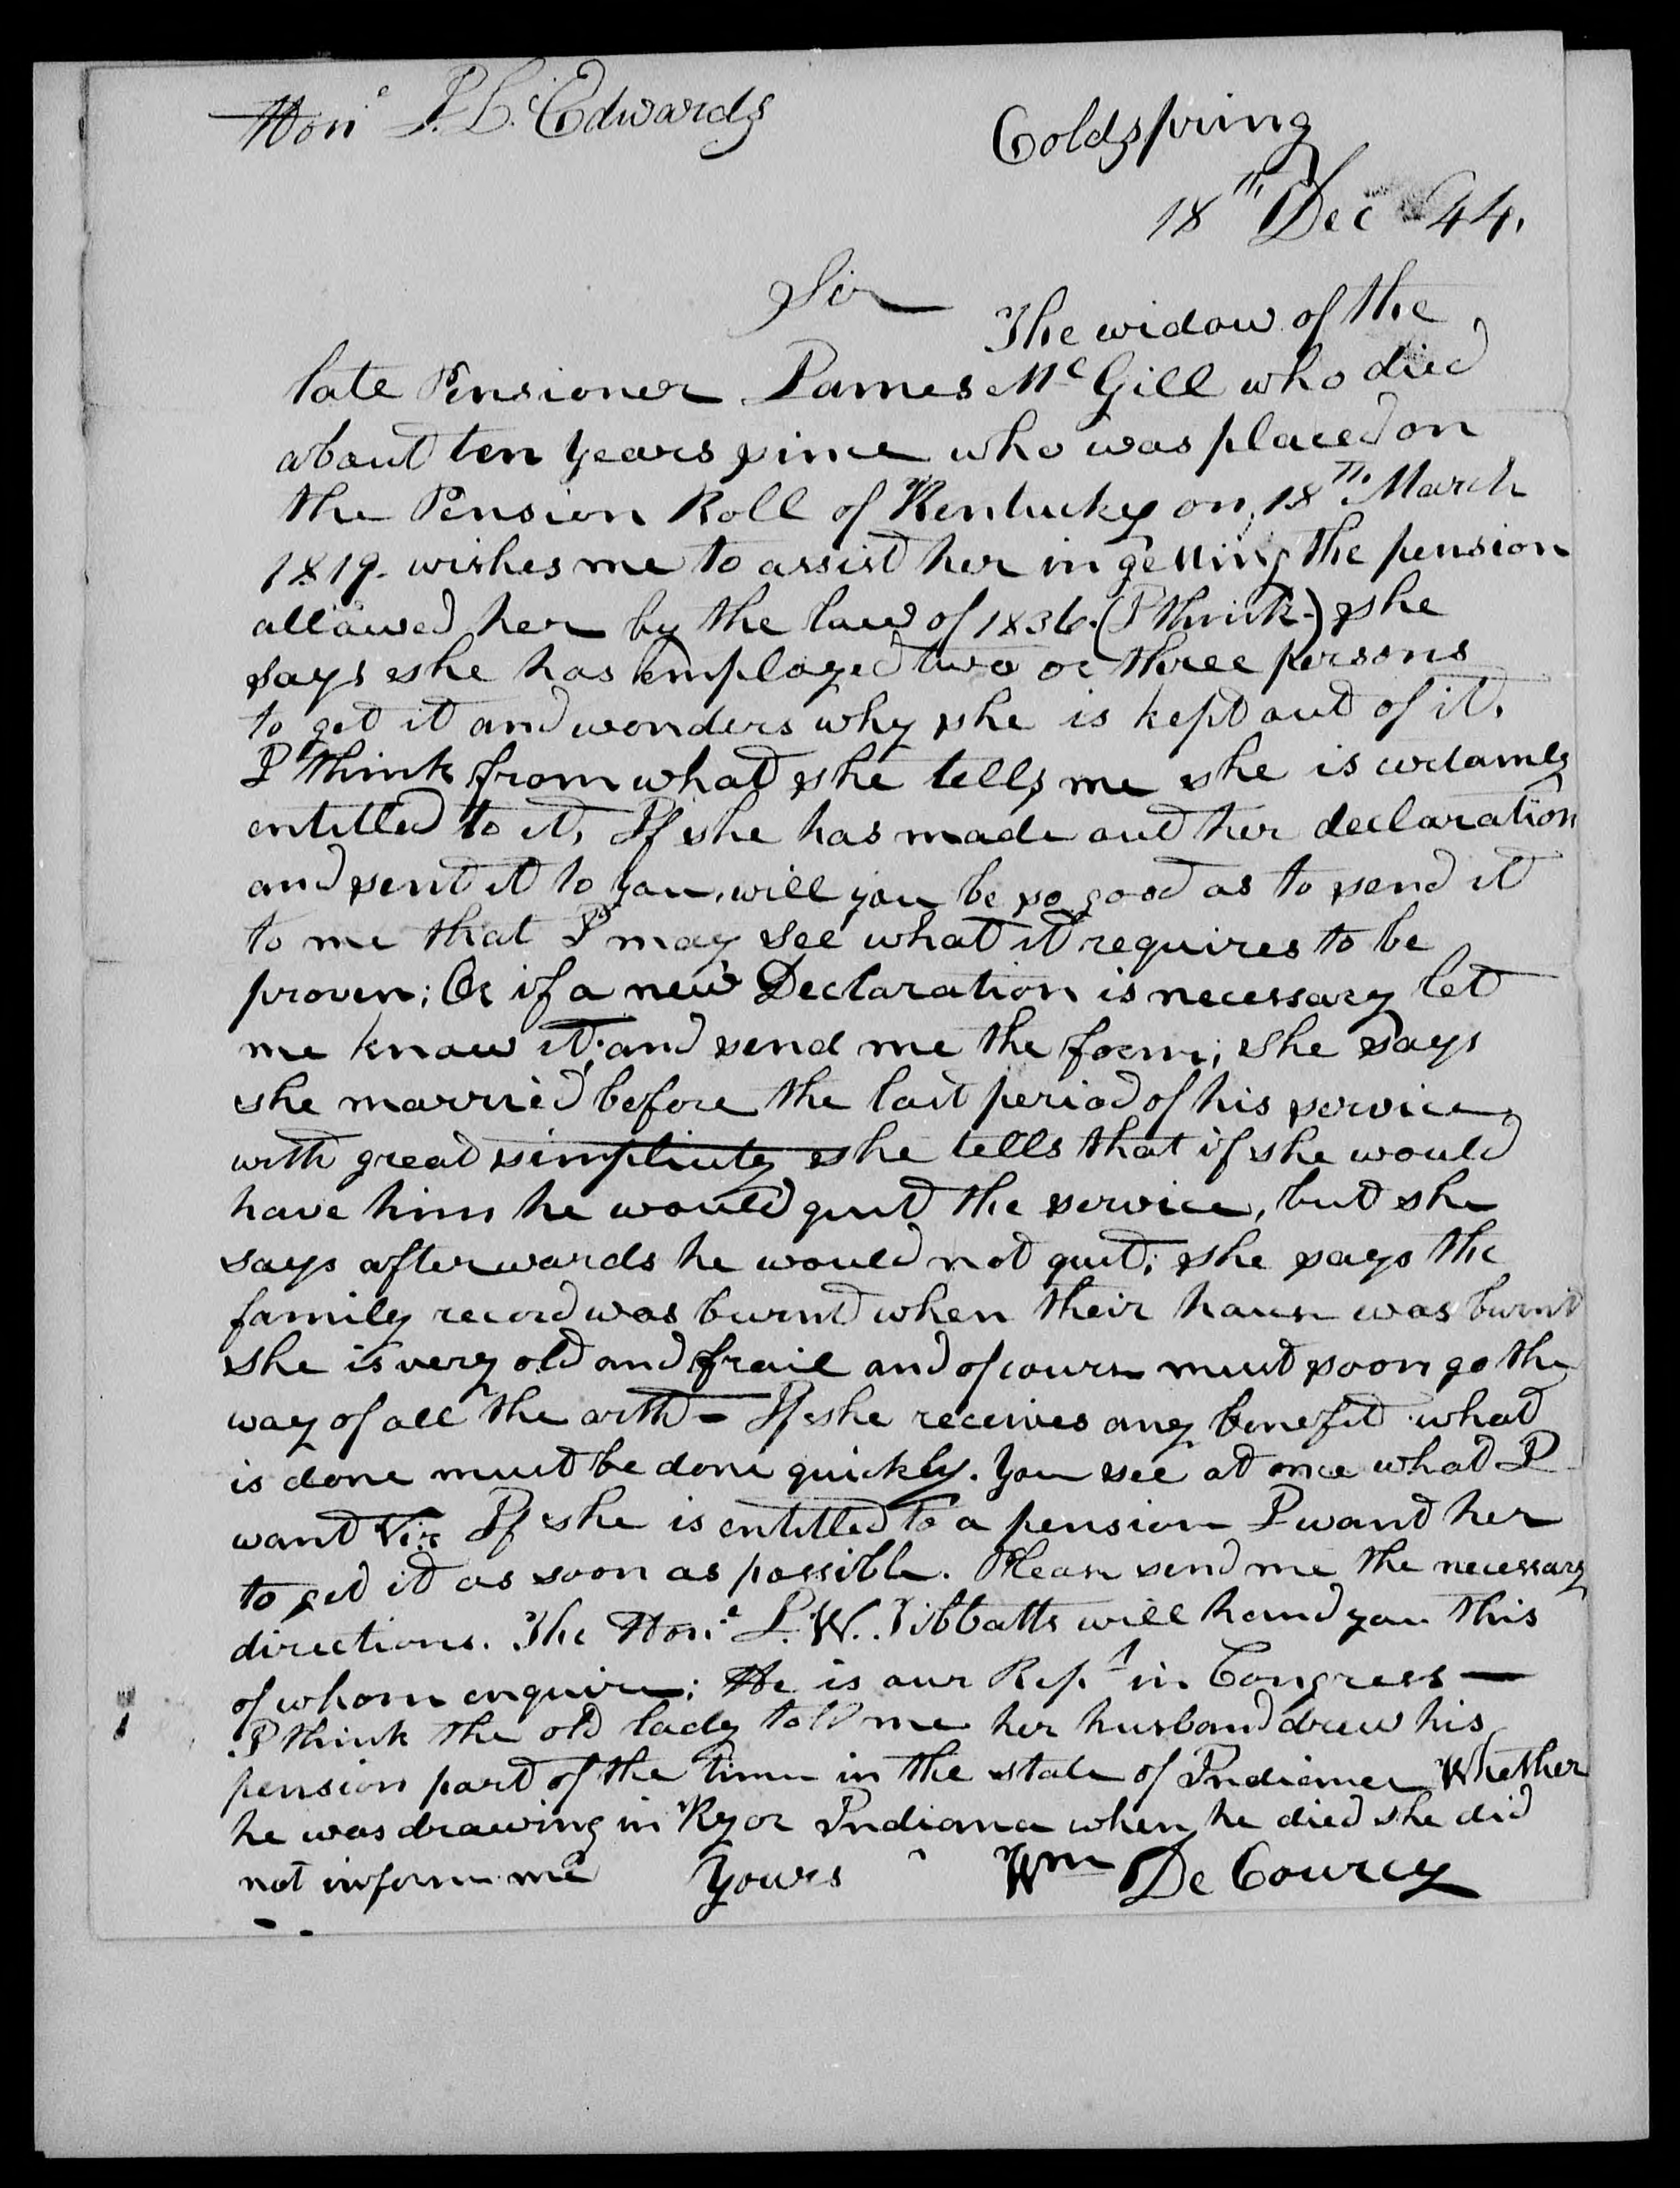Image 91   4160873_00091                
Fold3 File #23857257

Hon J.  L. Edwards   Coldspring   18 Dec '44
Sir, The widow of the late Pensioner James McGill who died about ten years since who was placed on the Pension Roll of Kentucky on 18th March 1819 wishes me to assist her in getting the pension allowed her by the law of 1836. (I think) she says she has employed two or three persons to get it and wonders why she is kept out of it.  I think from what she tells me she is [illegible] entitled to it.  If she has made out her declaration and set it to you, will you be so good as to send it to me that I may she what it requires to be proven; or if a new Declaration is necessary let me know it; and send me the form; she says she married before the last period of his service; with great simplicity she tells that if she would have him he would quit  the service, but she says afterwards he would not quit; she says the family record was burnd [burned] when their house was burnd [burned]. She is very old and frail and of course must soon go the way of all the arth [earth]. If she receives any benefit, what is done must be done quickly. You see at once what I want, viz. If she is entitled to a pension, I want her to get it as soon as possible. Please send me the necessary directions. The Hon L. W. Tibbatts will hand you this enquiry.  He is our Rep in Congress.  I think the old lady told me her husband drew his pension part of the time in the state of Indiana. Whether he was drawing in KY or Indiana when he died she did not inform me.  Yours,  Wm De Courcy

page: 33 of 71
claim: widow's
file: W. 8428, for James Mc Gill, Pennsylvania